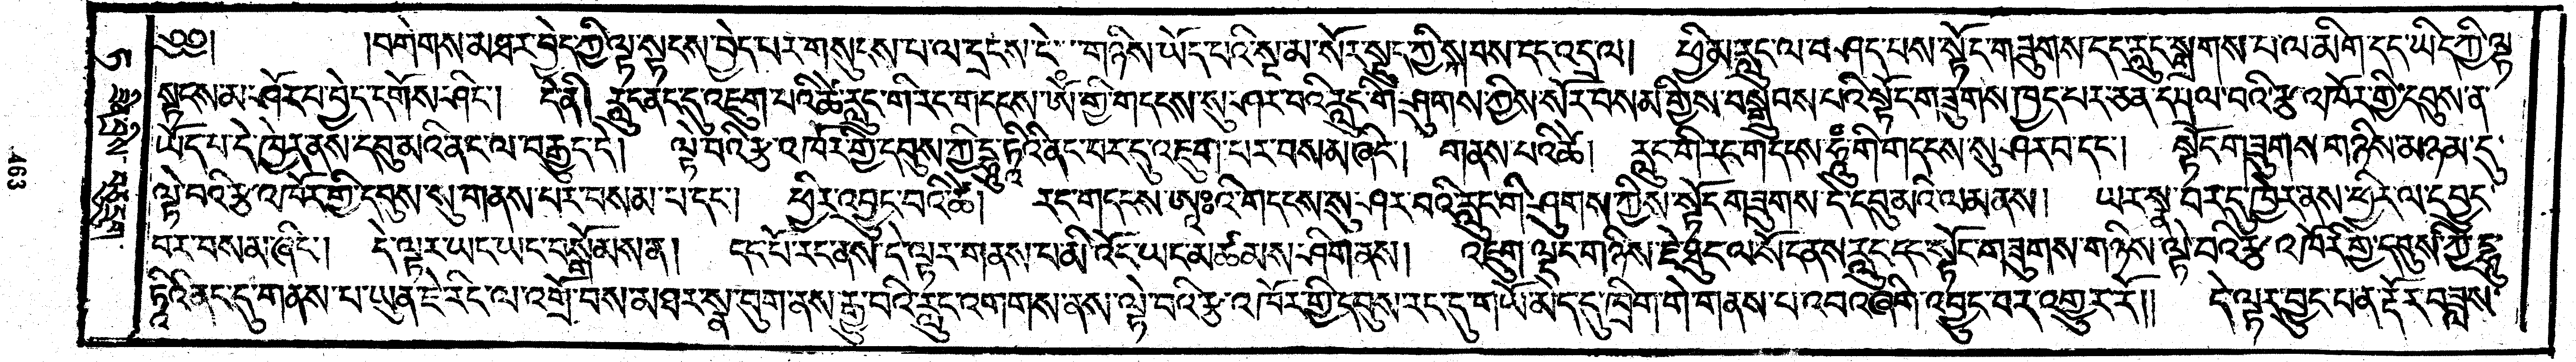༄༅། །བགེགས་མཐར་བྱེད་ཀྱི་ལྟ་སྟངས་བྱེད་པར་གསུངས་པ་ལ་དྲངས་དེ་གཉིས་ཡོད་པའི་སྔ་མ་སོར་སྡུད་ཀྱི་སྐབས་དང་འདྲ་ལ། ཕྱི་མ་རླུང་ལ་བཤད་པས་སྟོང་གཟུགས་དང་རླུང་སྒྲགས་པ་ལ་མིག་དད་ཡིད་ཀྱི་ལྷ་
སྟངས་མ་ཤོར་པ་བྱེད་དགོས་ཤིང་། དེ་ནི། རླུང་ནང་དུ་འཇུག་པའི་ཚེ་རླུང་གི་རང་གདངས་ཨོཾ་གྱི་གདངས་སུ་ཤར་པའི་རླུང་གི་ཤུགས་ཀྱིས་སོར་བསམ་གྱིས་བསྒྲུབས་པའི་སྟོང་གཟུགས་ཁྱད་པར་ཅན་དཔྲལ་བའི་རྩ་འཁོར་གྱི་དབུས་ན་
ཡོད་པ་དེ་ཁྱེར་ནས་དབུ་མའི་ནང་ལ་བརྒྱུད་དེ། ལྟེ་བའི་རྩ་འཁོར་གྱི་དབུས་ཀྱི་དྷཱུ་ཏཱིའི་ནང་པར་དུ་འཇུག་པར་བསམ་ཞིང་། གནས་པའི་ཚེ། རླུང་གི་རང་གི་གདངས་ཧཱུཾ་གི་གདངས་སུ་ཤར་བ་དང་། སྟོང་གཟུགས་གཉིས་མཉམ་དུ་
ལྟེ་བའི་རྩ་འཁོར་གྱི་དབུས་སུ་གནས་པར་བསམ་པ་དང་། ཕྱིར་འབྱུང་བའི་ཚེ། རང་གདངས་ཨཱཿ འི་གདངས་སུ་ཤར་བའི་རླུང་གི་ཤུགས་ཀྱིས་སྟོད་གཟུགས་དེ་དབུ་མའི་ལམ་ནས། ཡར་སྣ་བར་དུ་ཁྱེར་ནས་ཕྱིར་ལ་དབྱུང་
བར་བསམ་ཞིང་། དེ་ལྟར་ཡང་ཡང་བསྒོམས་ན། དང་པོ་རང་ནས་དེ་ལྟར་གནས་པ་མི་འོང་ཡང་མཚམས་ཤིག་ནས། འཇུག་ལྡང་གཉིས་ཇེ་ཐུང་ལ་སོང་ནས་རླུང་དང་སྟོང་གཟུགས་གཉིས་ལྟེ་བའི་རྩ་འཁོར་གྱི་དབུས་ཀྱི་དྷཱུ་
ཏཱིའི་ནང་དུ་གནས་པ་ཡུན་ཇེ་རིང་ལ་འགྲོ་བས་མཐར་སྣ་བུག་ནས་རྒྱུ་པའི་རླུང་འགགས་ནས་ལྟེ་བའི་རྩ་འཁོར་གྱི་དབུས་རང་དུ་གཡོ་མེད་དུ་ཁྲིག་གེ་གནས་པ་འབའ་ཞིག་འབྱུང་བར་འགྱུར་རོ།། དེ་ལྟར་བྱུང་པ་ན་རྡོར་བཟླས་